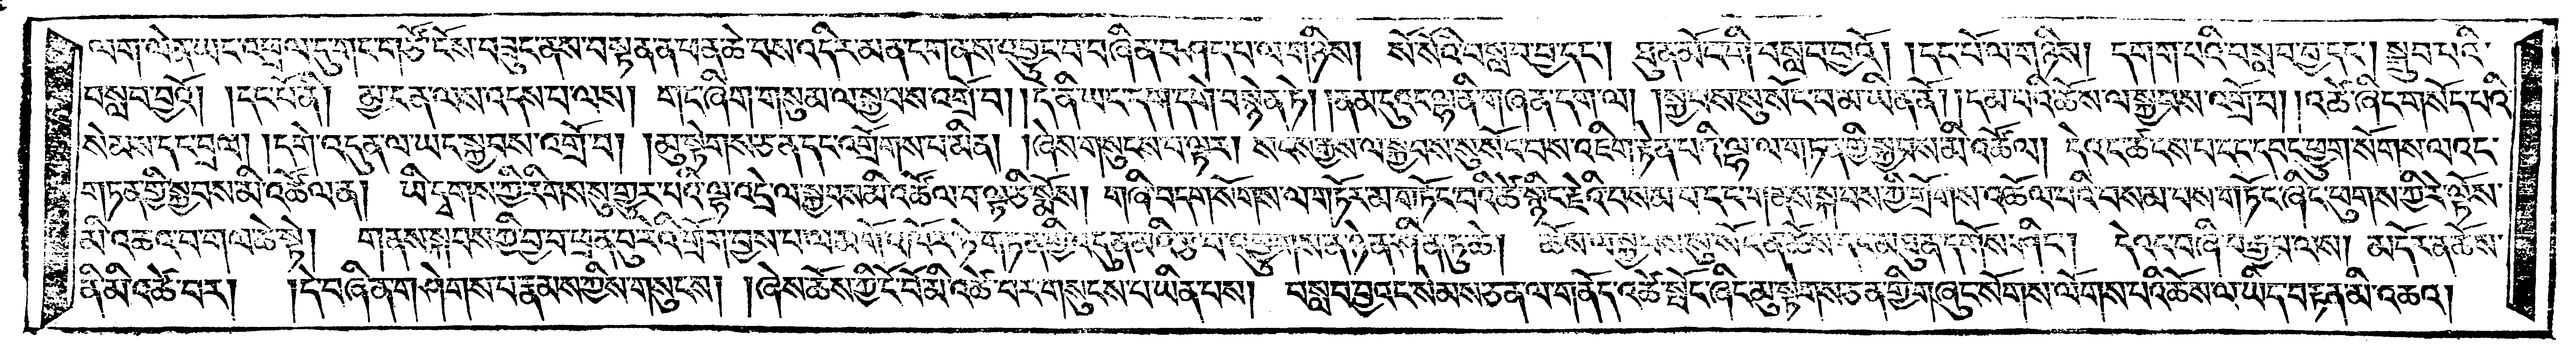ལག་ལེན་ཡང་འཕྲལ་དུ་གང་གཙོ་ངོས་བཟུང་ནས་བསྟན་ན་ཕན་ཆེ་བས་འདིར་མན་ངག་ནས་འབྱུང་བ་བཞིན་བཤད་པ་ལ་གཉིས། སོ་སོའི་བསླབ་བྱ་དང་། ཐུན་མོང་གི་བསླབ་བྱའོ། །དང་པོ་ལ་གཉིས། དགག་པའི་བསླབ་བྱ་དང་། སྒྲུབ་པའི་
བསླབ་བྱའོ། །དང་པོ་ནི། མྱ་ངན་ལས་འདས་པ་ལས། གང་ཞིག་གསུམ་ལ་སྐྱབས་འགྲོ་བ། །དེ་ནི་ཡང་དག་དགེ་བསྙེན་ཏེ། །ནམ་དུའང་ལྷ་ནི་གཞན་དག་ལ། །སྐྱབས་སུ་སོང་བ་མ་ཡིན་ནོ། །དམ་པའི་ཆོས་ལ་སྐྱབས་འགྲོ་བ། །འཚེ་ཞིང་གསོད་པའི་
སེམས་དང་བྲལ། །དགེ་འདུན་ལ་ཡང་སྐྱབས་འགྲོ་བ། །མུ་སྟེགས་ཅན་དང་འགྲོགས་པ་མིན། །ཞེས་གསུངས་བ་ལྟར། སངས་རྒྱས་ལ་སྐྱབས་སུ་སོང་བས་འཇིག་རྟེན་པའི་ལྷ་ལ་གཏན་གྱི་སྐྱབས་མི་འཚོལ། དེའང་ཚངས་པ་དང་དབང་ཕྱུག་སོགས་ལའང་
གཏན་གྱི་སྐྱབས་མི་འཚོལ་ན། ཡི་དྭགས་ཀྱི་རིགས་སུ་གྱུར་པའི་ལྟ་འདྲེ་ལ་སྐྱབས་མི་འཚོལ་བ་ལྟ་ཅི་སྨོས། གཞི་བདག་སོགས་ལ་གཏོར་མ་གཏོང་བའི་ཚེ་སྙིང་རྗེའི་བསམ་པ་དང་གནས་སྐབས་ཀྱི་གྲོགས་འཆོལ་བའི་བསམ་པས་གཏོང་ཞིང་ཕུགས་ཀྱི་རེ་ལྟོས་
མི་འཆའ་བ་གལ་ཆེ་སྟེ། གནས་སྐབས་ཀྱི་བྱ་བ་ཕྲན་བུ་རེའི་གྲོག་བྱས་པ་ལ་མགོ་འཁོར་ཏེ་གཏན་གྱི་འདུན་མའི་རྩ་བ་འབྱུགས་ན་ཉེན་ཤིན་ཏུ་ཆེ། ཆོས་ལ་སྐྱབས་སུ་སོང་ན་ཆོས་དང་མཐུན་དགོས་ཤིང་། དེའང་བཞི་བརྒྱ་པ་ལས། མདོར་ན་ཆོས་
ནི་མི་འཚོ་བར། །དེ་བཞིན་གཤེགས་པ་རྣམས་ཀྱིས་གསུངས། །ཞེས་ཆོས་ཀྱི་ངོ་བོ་མི་འཚེ་པར་གསུངས་པ་ཡིན་པས། བསླབ་བྱའང་སེམས་ཅན་ལ་གནོད་འཚེ་སྤོང་ཞིང་མུ་སྟེགས་ཅན་གྱི་གཞུང་སོགས་ལོགས་པའི་ཆོས་ལ་ཡིད་བརྟན་མི་འཆའ།